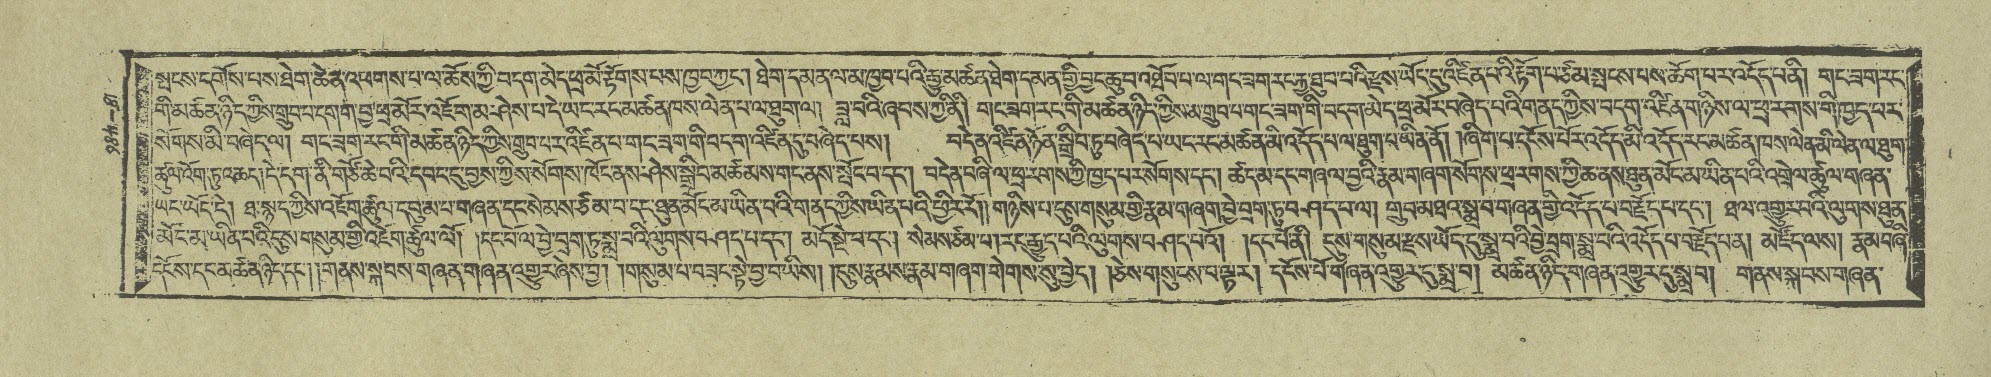སྤངས་དགོས་པས་ཐེག་ཆེན་འཕགས་པ་ལ་ཆོས་ཀྱི་བདག་མེད་ཕྲ་མོ་རྟོགས་པས་ཁྱབ་ཀྱང་། ཐེག་དམན་ལ་མ་ཁྱབ་པའི་རྒྱུ་མཚན་ཐེག་དམན་གྱི་བྱང་ཆུབ་འཐོབ་པ་ལ་གང་ཟག་རང་རྐྱ་ཐུབ་པའི་རྫས་ཡོད་དུ་འཛིན་པའི་རྟོག་པ་ཙམ་སྤངས་པས་ཆོག་པར་འདོད་པ་ནི། གང་ཟག་རང་
གི་མཚན་ཉིད་ཀྱིས་གྲུབ་པ་དགག་བྱ་ཕྲ་མོར་འཇོག་མ་ཤེས་པ་དེ་ཡང་རང་མཚན་ཁས་ལེན་པ་ལ་ཐུག་ལ། ཟླ་བའི་ཞབས་ཀྱི་ནི། གང་ཟག་རང་གི་མཚན་ཉིད་ཀྱིས་མ་གྲུབ་པ་གང་ཟག་གི་བདག་མེད་ཕྲ་མོར་བཞེད་པའི་གནད་ཀྱིས་བདག་འཛིན་གཉིས་ལ་ཕྲ་རགས་གི་ཁྱད་པར་
སོགས་མི་བཞེད་ལ། གང་ཟག་རང་གི་མཚན་ཉིད་ཀྱིས་གྲུབ་པར་འཛིན་པ་གང་ཟག་གི་བདག་འཛིན་དུ་བཞེད་པས། བདེན་འཛིན་ཉོན་སྒྲིབ་ཏུ་བཞེད་པ་ཡང་རང་མཚན་མི་འདོད་པ་ལ་ཐུག་པ་ཡིན་ནོ། །ཞིག་པ་དངོས་པོར་འདོད་མི་འདོད་རང་མཚན་ཁས་ལེན་མི་ལེན་ལ་ཐུག་
ཆུ་ལ་འོག་ཏུ་འཆད། དེ་དག་ནི་གཙོ་ཆེ་བའི་དབང་དུ་བྱས་ཀྱིས་སོགས་ཁོང་ནས་ཤེས་སྒྲིབ་མཚམས་གང་ནས་སྤོང་བ་དང་། བདེན་བཞི་ལ་ཕྲ་རགས་ཀྱི་ཁྱད་པར་སོགས་དང་། ཚད་མ་དང་གཞལ་བྱའི་རྣམ་གཞག་སོགས་ཕྲ་རགས་ཀྱི་ཆ་ནས་ཐུན་མོང་མ་ཡིན་པའི་འགྲེལ་ཚུལ་གཞན་
ཡང་ཡོད་དེ། ཐ་སྙད་ཀྱིས་འཇོག་ཚུལ་དབུ་མ་པ་གཞན་དང་སེམས་ཙམ་པ་དང་ཐུན་མོང་མ་ཡིན་པའི་གནད་ཀྱིས་ཡིན་པའི་ཕྱིར་རོ། །གཉིས་པ་དུས་གསུམ་གྱི་རྣམ་གཞག་བྱེ་བྲག་ཏུ་བཤད་པ་ལ། གྲུབ་མཐའ་སྨྲ་བ་གཞན་གྱི་འདོད་པ་བརྗོད་པ་དང་། ཐལ་འགྱུར་བའི་ལུགས་ཐུན་
མོང་མ་ཡིན་པའི་དུས་གསུམ་གྱི་འཇོག་ཚུལ་ལོ། །དང་པོ་ལ་བྱེ་བྲག་ཏུ་སྨྲ་བའི་ལུགས་བཤད་པ་དང་། མདོ་སྡེ་པ་དང་། སེམས་ཙམ་པ། རང་རྒྱུད་པའི་ལུགས་བཤད་པའོ། །དང་པོ་ནི། དུས་གསུམ་རྫས་ཡོད་དུ་སྨྲ་བའི་བྱེ་བྲག་སྨྲ་བའི་འདོད་པ་བརྗོད་པ་ན། མཛོད་ལས། རྣམ་བཞི་
དངོས་དང་མཚན་ཉིད་དང་། །གནས་སྐབས་གཞན་གཞན་འགྱུར་ཞེས་བྱ། །གསུམ་པ་བཟང་སྟེ་བྱ་བ་ཡིས། །དུས་རྣམས་རྣམ་གཞག་གེགས་སུ་བྱེད། །ཅེས་གསུངས་པ་ལྟར། དངོས་པོ་གཞན་འགྱུར་དུ་སྨྲ་བ། མཚན་ཉིད་གཞན་འགྱུར་དུ་སྨྲ་བ། གནས་སྐབས་གཞན་